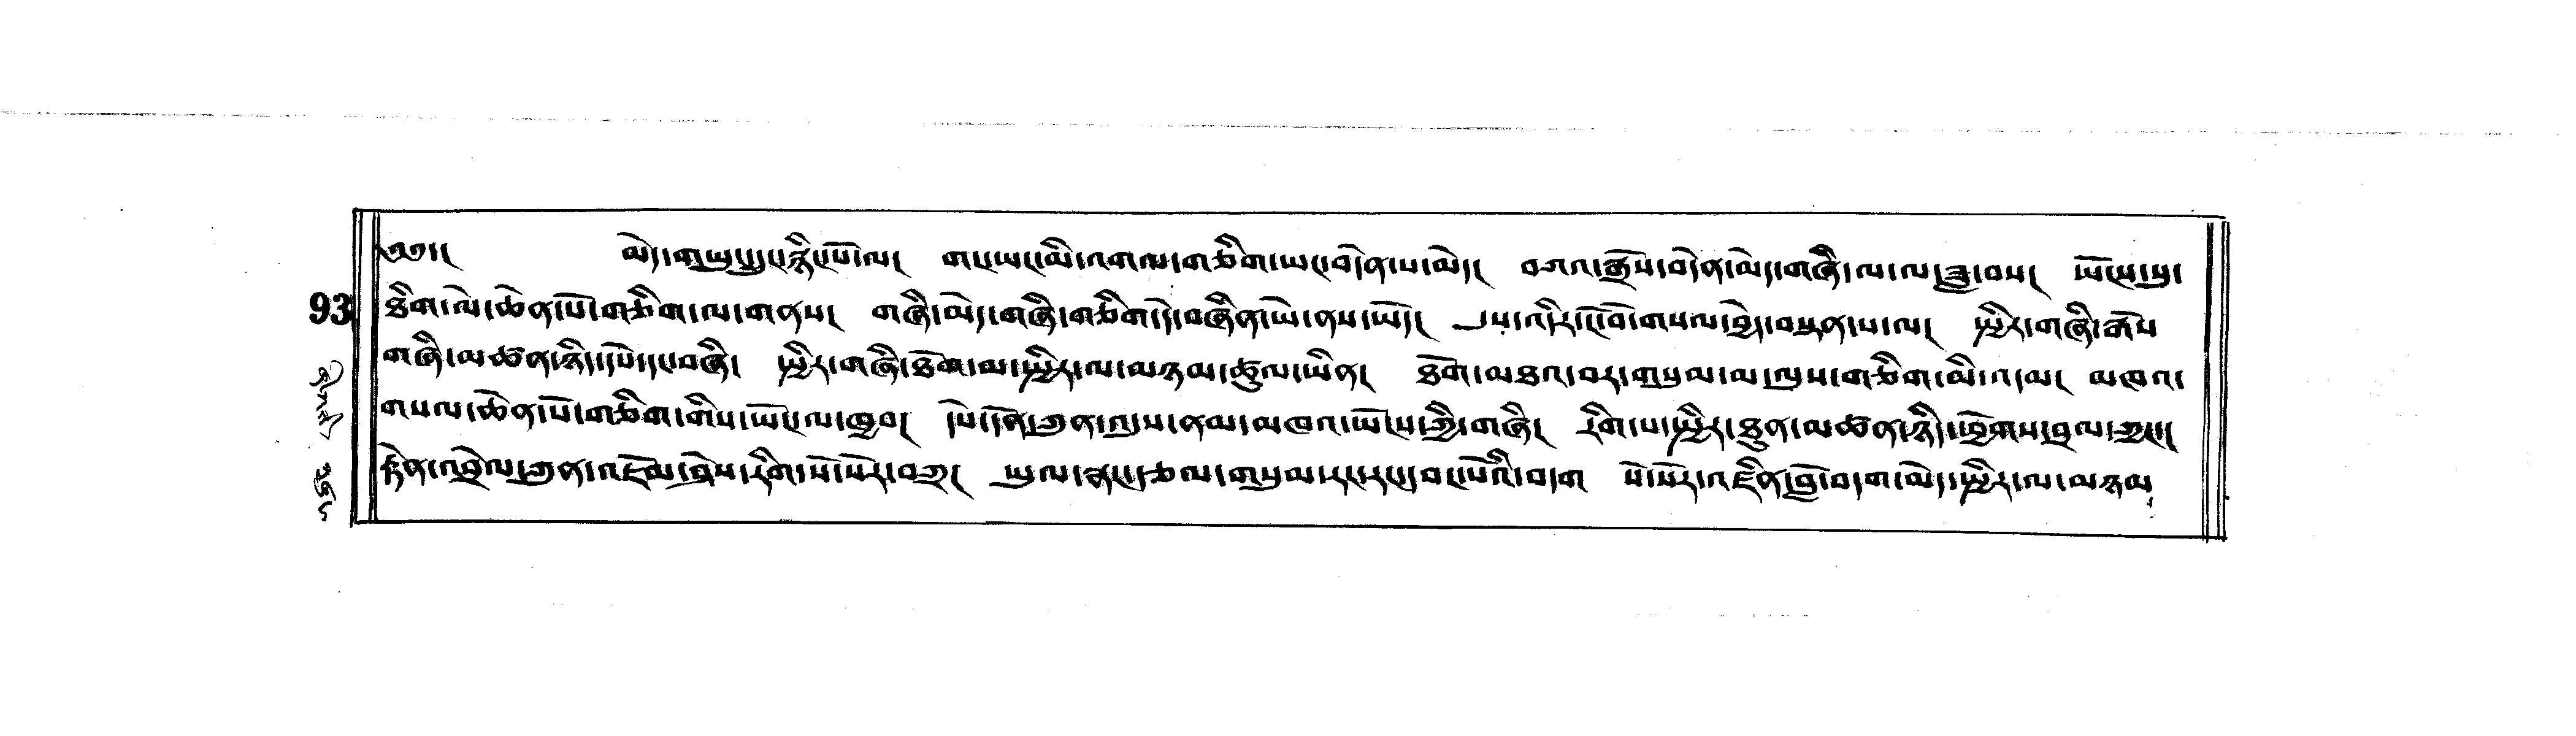མེད་གཡུང་དྲུང་སྙིང་པོ་ལ། གང་ཡང་མི་འགལ་གཅིག་ཡང་བདེན་པ་མེད། བཀའ་བསྒྲོས་བདེན་མེད་གཞི་ལ་ལ་བཟླ་བས། ཡོངས་སུ་
ཐིག་ལེ་ཆེན་པོ་གཅིག་ལ་གནས། གཞི་མེད་གཞི་གཅིག་དེ་བཞིན་ཡེ་ནས་ཡོད། དུས་འདིར་ངོ་བོ་གསལ་བྱེད་བསྟན་པ་ལ། སྤྱིར་གཞི་སྒོས་
གཞི་མཚན་ཉིད་དཔེ་དང་བཞི། སྤྱིར་གཞི་ཐོག་མ་སྤྱིར་ལ་མཉམ་ཚུལ་ཡིན། ཐོག་མཐའ་བར་གསུམ་མ་ལུས་གཅིག་མི་འདམ། མཁའ་
གསལ་ཆེན་པོ་གཅིག་གིས་ཡོངས་ལ་ཁྱབ། དཔེ་དོན་ཀུན་འདུས་ནམ་མཁའ་ཡོངས་ཀྱི་གཞི། རིག་པ་སྤྱིར་ཐུན་མཚན་ཉིད་ཕྱོགས་བྲལ་ཀྱང་། 
རྟེན་འབྲེལ་ཀུན་འཛོམས་ཤེས་རིག་སོ་སོར་བཀྲ། ཡུལ་སྣང་རྩལ་གསུམ་རང་རང་དབང་པོའི་བདག སོ་སོར་འཛིན་བློ་བདག་མེད་སྤྱིར་ལ་མཉམ།